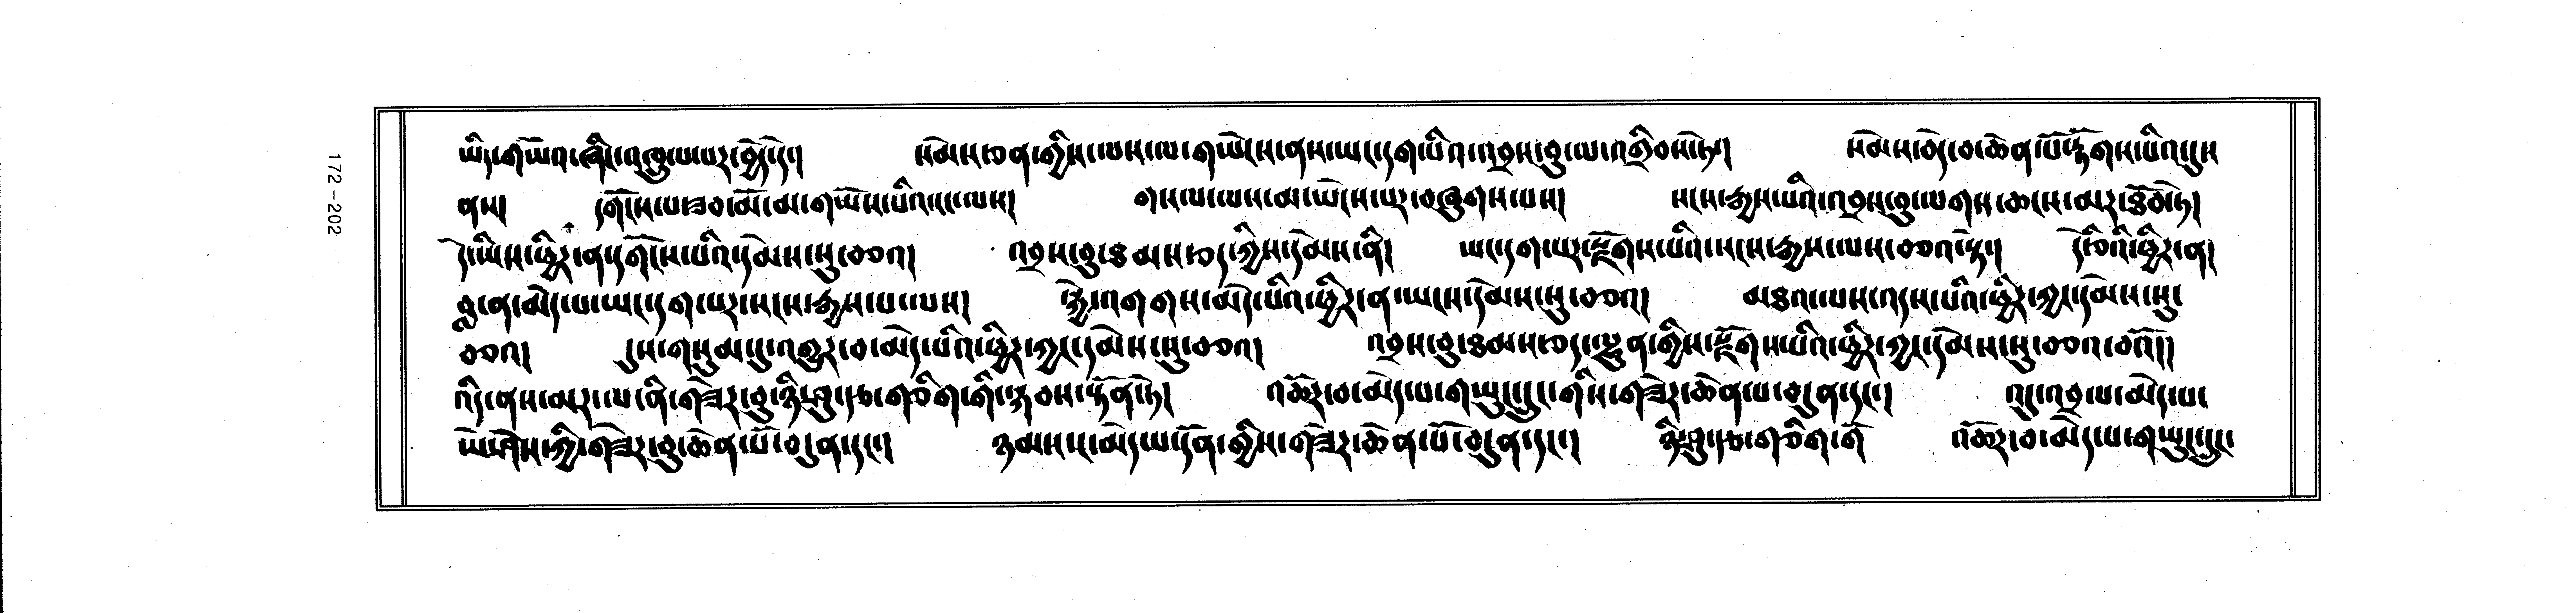ཡིད་གཡོའ་ཞིང་འཁྲུལ་པར་བྱེད་དེ། སེམས་ཅན་གྱིས་ལས་ལ་གཡེངས་ནས་ཡང་དག་པའི་འབྲས་བུ་ལ་འགྲིབས་ཏེ། སེམས་བདེ་བ་ཆེན་པོ་རྟོགས་པའི་དུས་
ནས། དགོངས་པ་ཟབ་མོ་མ་གཡོས་པའི་ངང་ལས། གསལ་ལས་མ་གཡེངས་པར་བཞུགས་པས། སངས་རྒྱས་པའི་འབྲས་བུ་ལགས་ཆངས་མར་ཐོབ་ཏེ། 
དེ་ཡིས་ཕྱིར་ན་དགོངས་པའི་དེམ་སུ་བཅའ། འབྲས་བུ་ཐམས་ཅད་ཀྱིས་དེམ་ནི། ཡང་དག་པར་རྫོགས་པའི་སངས་རྒྱས་ལས་བཅའ་སྟེ། དེ་ཅིའི་ཕྱིར་ན། 
བླ་ན་མེད་པ་ཡང་དག་པར་སངས་རྒྱས་པ་ལས། སྐྱེ་འགགས་མེད་པའི་ཕྱིར་ན་ཡང་དེམ་སུ་བཅའ། མཐའ་ལས་འདས་པའི་ཕྱིར་ཀྱང་དེམ་སུ་
བཅའ། དུས་གསུམ་དུ་འགྱུར་བ་མེད་པའི་ཕྱིར་ཀྱང་དེམ་སུ་བཅའ། འབྲས་བུ་ཐམས་ཅད་ལྷུན་གྱིས་རྫོགས་པའི་ཕྱིར་ཀྱང་དེམ་སུ་བཅའ་བའོ། 
འདི་ནས་མར་ལ་ནི་གཟེར་བུ་ཉི་ཤུ་རྩ་གཅིག་གི་སྐབས་སྟོན་ཏེ། འཆོར་བ་མེད་པ་གཡུང་དྲུང་གིས་གཟེར་ཆེན་པོ་བདུན་དང་། འདུ་འབྲལ་མེད་པ་
ཡེ་ཤེས་ཀྱི་གཟེར་བུ་ཆེན་པོ་བདུན་དང་། ཉམས་ང་མེད་པ་དོན་གྱིས་གཟེར་ཆེན་པོ་བདུན་དང་། ཉི་ཤུ་རྩ་གཅིག་གོ་འཆོར་བ་མེད་པ་གཡུང་དྲུང་གིས་གཟེར་ཆེན་པོ་བདུན་